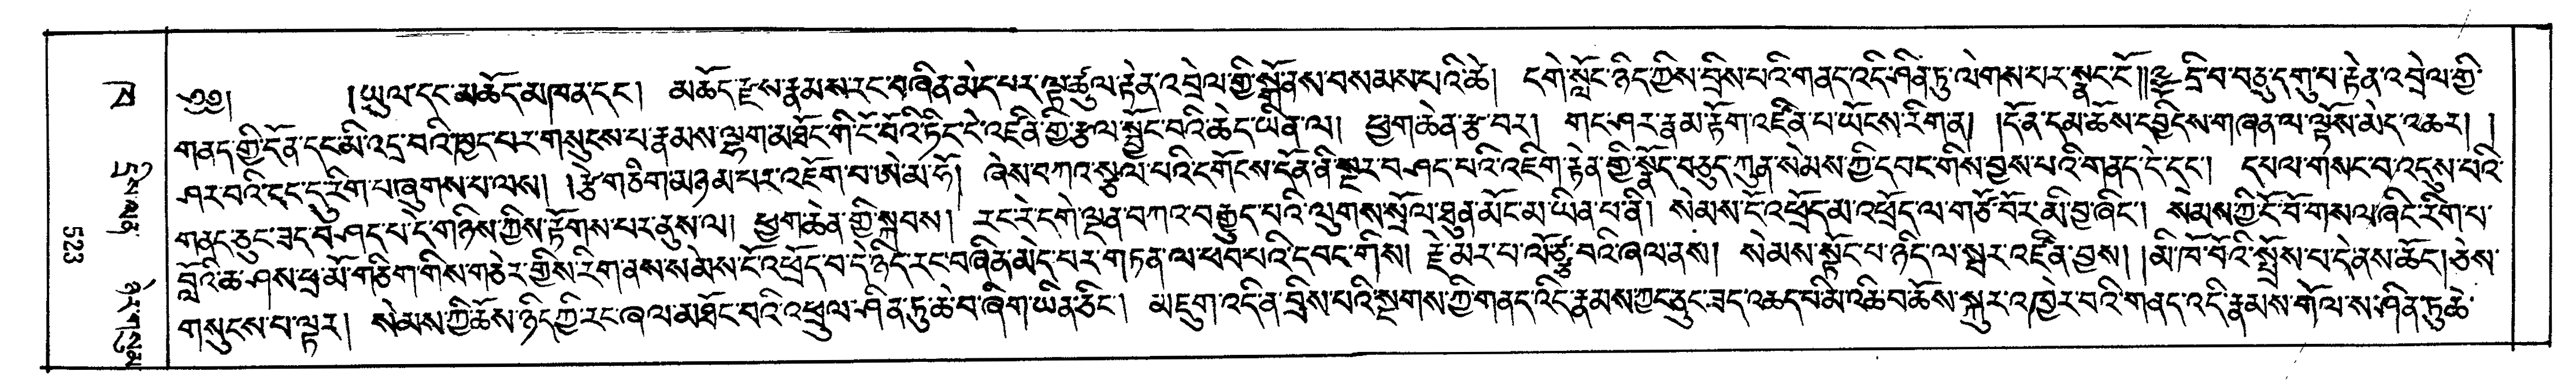༄༅། །ཡུལ་དང་མཆོད་མཁན་དང་། མཆོད་རྫས་རྣམས་རང་བཞིན་མེད་པར་ལྟ་ཚུལ་རྟེན་འབྲེལ་གྱི་སྒོ་ནས་བསམས་པའི་ཚེ། དགེ་སློང་ཉིད་ཀྱིས་བྲིས་པའི་གནད་འདི་ཤིན་ཏུ་ལེགས་པར་སྣང་ངོ།། ༈ དྲི་བ་བཅུ་དགུ་པ་རྟེན་འབྲེལ་གྱི་
གསུམ་གནད་ཀྱི་དོན་དང་མི་འདྲ་བའི་ཁྱད་པར་གསུངས་པ་རྣམས་ལྷག་མཐོང་གི་ངོ་བོའི་ཏིང་ངེ་འཛིན་གྱི་རྩལ་སྦྱོད་པའི་ཆེད་ཡིན་ལ། ཕྱག་ཆེན་རྩ་བར། གང་ཤར་རྣམ་རྟོག་འཛིན་པ་ཡོངས་རིག་ན། དོན་དམ་ཆོས་དབྱིངས་གཞན་ལ་ལྟོས་མེད་འཆར། །
ཤར་བའི་ངང་དུ་རིག་པ་ཞུགས་པ་ལས། །རྩེ་གཅིག་མཉམ་པར་འཇོག་པ་ཨེ་མ་ཧོ། ཞེས་བཀའ་སྩལ་པའི་དགོངས་དོན་ནི་སྔར་བཤད་པའི་འཇིག་རྟེན་གྱི་སྣོད་བཅུད་ཀུན་སེམས་ཀྱི་དབང་གིས་བྱས་པའི་གནད་དེ་དང་། དཔལ་གསང་བ་འདུས་པའི་
གནད་ཅུང་ཟད་བཤད་པ་དེ་གཉིས་ཀྱིས་རྟོགས་པར་ནུས་ལ། ཕྱག་ཆེན་གྱི་སྐབས། རང་རེ་དགེ་ལྡན་བཀའ་བརྒྱུད་པའི་ལུགས་སྲོལ་ཐུན་མོང་མ་ཡིན་པ་ནི། སེམས་ངོ་འཕྲོད་མ་འཕྲོད་ལ་གཙོ་བོར་མི་བྱ་ཞིང་། སེམས་ཀྱི་ངོ་བོ་གསལ་ཞིང་རིག་པ་
བློའི་ཆ་ཤས་ཕྲ་མོ་གཅིག་གིས་གཅེར་གྱིས་རིག་ནས་སེམས་ངོ་འཕྲོད་པ་དེ་ཉིད་རང་བཞིན་མེད་པར་གཏན་ལ་ཕབ་པའི་དབང་གིས། རྗེ་མར་པ་ལོ་ཙྪ་བའི་ཞལ་ནས། སེམས་སྟོང་པ་ཉིད་ལ་སྦར་འཛིན་བྱས། །མི་ཁོ་བོའི་སྤྲོས་པ་དེ་ནས་ཆོད། ཅེས་
གསུངས་པ་ལྟར། སེམས་ཀྱི་ཆོས་ཉིད་ཀྱི་རང་ཞལ་མཐོང་བའི་འཕྲུལ་ཤིན་ཏུ་ཆེ་བ་ཞིག་ཡིན་ཅིང་། མཇུག་འདི་ན་བྲིས་པའི་སྔགས་ཀྱི་གནད་འདི་རྣམས་ཀྱང་ཅུང་ཟད་འཆད་པ་ནི། འཆི་བ་ཆོས་སྐུར་འཁྱེར་བའི་གནད་འདི་རྣམས་གོལ་ས་ཤིན་ཏུ་ཆེ་